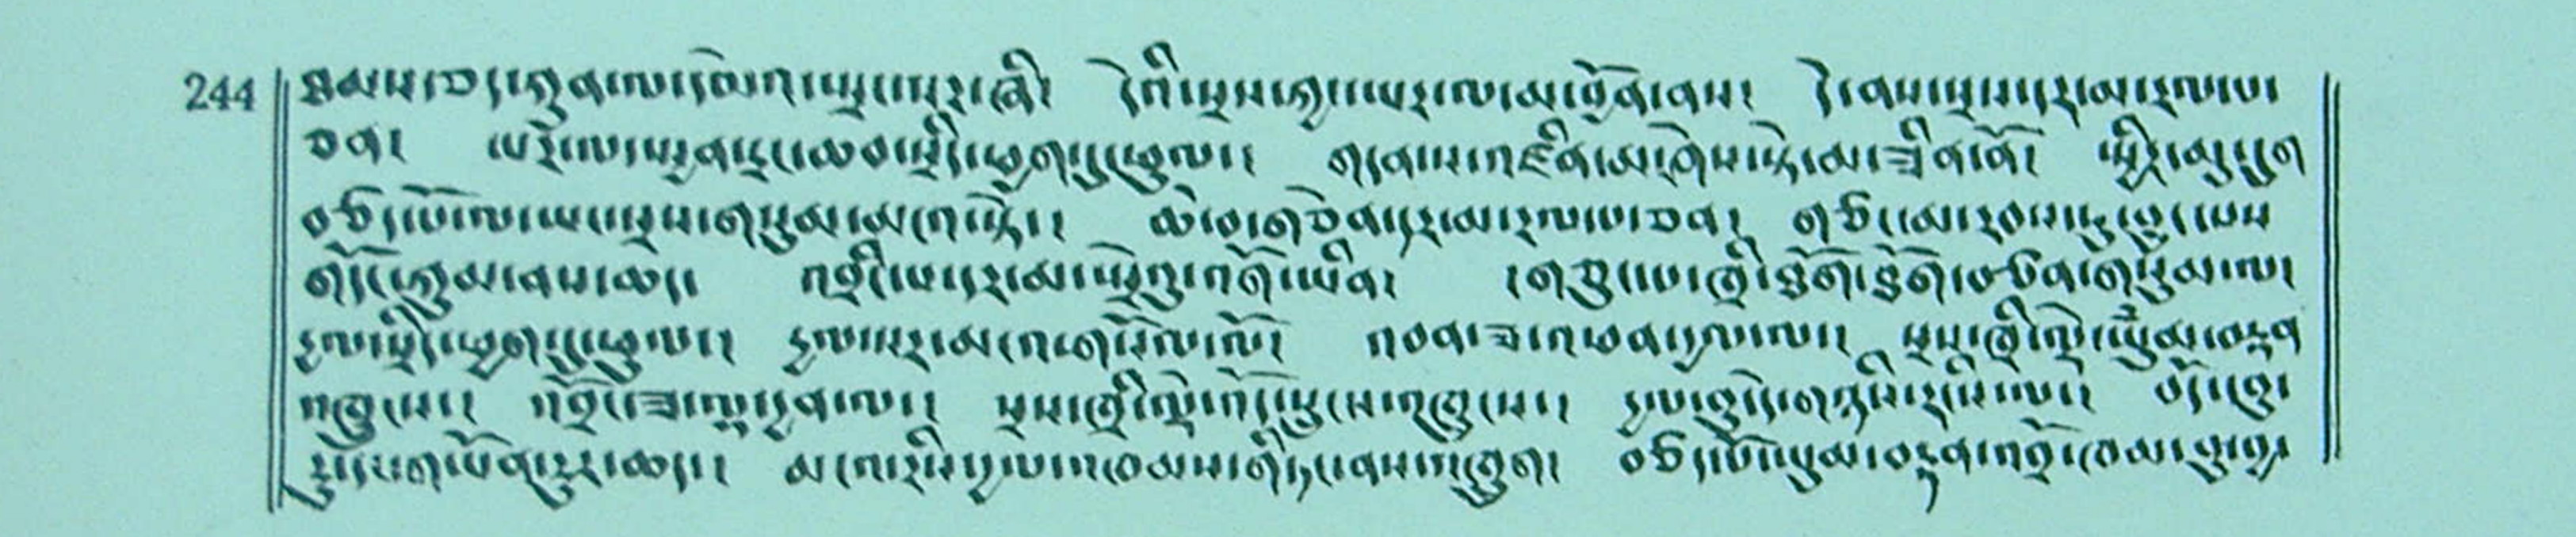ཐམས་ཅད་ཀུན་ལ་དམེ་སྤྲང་སར་ཞི༑ དེའི་སྲང་ཀྱང་ཡར་ལ་མ་བྱོན་ནས། དེ་ནས་སྲས་དར་མ་རལ་བ་
ཅན། ལར་ལ་སྤྱན་དྲངས་ཆབ་སྲིད་ཕྱག་ཏུ་ཕུལ། གདན་ས་འཛིན་མ་ཤེས་ཏེ་མ་ཟིན་ནོ། །སྤྱིར་མུ་དུག་
བཙད་པོ་ལ་ཡང་སྲས་གསུམ་མངའ་སྟེ། ཆེ་བ་གཅེན་དར་མ་རལ་བ་ཅན། གཙང་མ་རབ་ཏུ་བྱུང་ནས་
གདོང་ཀུམ་ནས་ཆད། འབྲིང་བ་དར་མ་སྤྲེའུ་མགོ་ཡིན། གཅུང་པ་ཁྲི་ཐོག་ཐོག་བཙན་གསུམ་ལ། 
རྒྱལ་སྲིད་ཕྱག་ཏུ་ཕུལ། རྒྱལ་སར་མངའ་གསོལ་ལོ། །འབན་ཟ་འཕན་རྒྱས་ལ། སྲས་ཁྲི་ལྡེ་ཡུམ་བརྟན་
འཁྲུངས། འབྲོང་ཟ་ལྷ་རྒྱན་ལ། སྲས་ཁྲི་ལྡེ་འོད་སྲུང་འཁྲུངས། རྒྱལ་བུ་དེ་གཉིས་རིང་ལ། བོད་དབུ་
རུ་དང་གཡོན་རུ་ཆད། མངའ་རིས་རྒྱལ་ཁམས་གཏིང་ནས་འཁྲུགས། བཙད་པོ་ཡུམ་བརྟན་འབྲོ་ཁམས་བུ་བྱ་